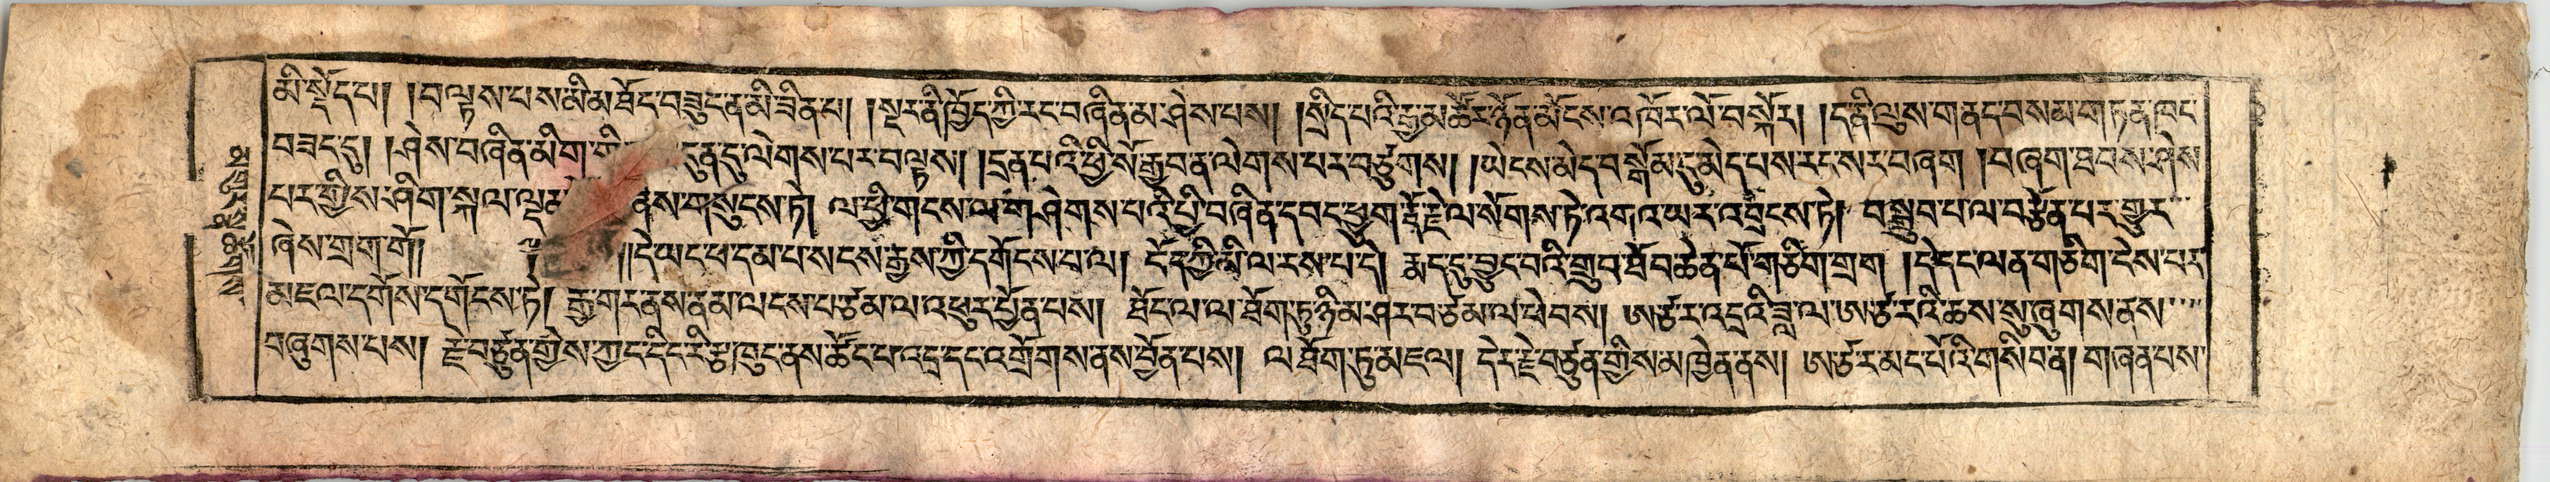མི་སྡོད་པ། །བལྟས་པས་མི་མཐོང་བཟུང་ན་མི་ཟིན་པ། །སྔར་ནི་ཁྱོད་ཀྱི་རང་བཞིན་མ་ཤེས་པས། །སྲིད་པའི་རྒྱ་མཚོར་ཉོན་མོངས་འཁོར་ལོ་བསྐོར། །ད་ནི་ལུས་གནད་བསམ་གཏན་ཁང་
བཟང་དུ། །ཤེས་བཞིན་མིག་གི་མདུན་དུ་ལེགས་པར་བལྟས། །དྲན་པའི་ཕྱི་སོ་རྒྱབ་ན་ལེགས་པར་བཙུགས། །ཡེངས་མེད་བསྒོམ་དུ་མེད་པས་རང་སར་བཞག །བཞག་ཐབས་ཤེས་
པར་གྱིས་ཤིག་སྐལ་ལྡན་རྣམས། གསུངས་ཏེ། ལ་ཕྱི་གངས་ལ་གཤེགས་པའི་ཕྱི་བཞིན་དབང་ཕྱུག་རྡོ་རྗེ་ལ་སོགས་ཏེ་འགའ་ཡར་འབྲིངས་ཏེ། བསྒྲུབ་པ་ལ་བརྩོན་པར་གྱུར་་་
ཞེས་གྲག་གོ། ༈།དེ་ཡང་ཕ་དམ་པ་སངས་རྒྱས་ཀྱི་དགོངས་པ་ལ། བོད་ཀྱི་མི་ལ་རས་པ་དེ། རྨད་དུ་བྱུང་བའི་གྲུབ་ཐོབ་ཆེན་པོ་གཅིག་གྲག །དེ་དང་ལན་གཅིག་ངེས་པར་
མཇལ་དགོས་དགོངས་ཏེ། རྒྱ་གར་ནས་ནམ་ལངས་པ་ཙམ་ལ་འཕུར་བྱོན་པས། ཐོང་ལ་ལ་ཐོག་ཏུ་ཉི་མ་ཤར་བ་ཙམ་ལ་ཕེབས། ཨ་ཙར་འདྲའི་ཟླ་ལ་ཨ་ཙ་རའི་ཆས་སུ་ཞུགས་ནས་
བཞུགས་པས། རྗེ་བཙུན་གྱིས་ཀྱང་དིང་རི་རྩ་ཁུང་ནས་ཚོང་པ་འདྲ་དང་འགྲོགས་ནས་བྱོན་པས། ལ་ཐོག་ཏུ་མཇལ། དེར་རྗེ་བཙུན་གྱིས་མཁྱེན་ནས། ཨ་ཙ་ར་མང་པོའི་གསེབ་ན། གཞན་པས་